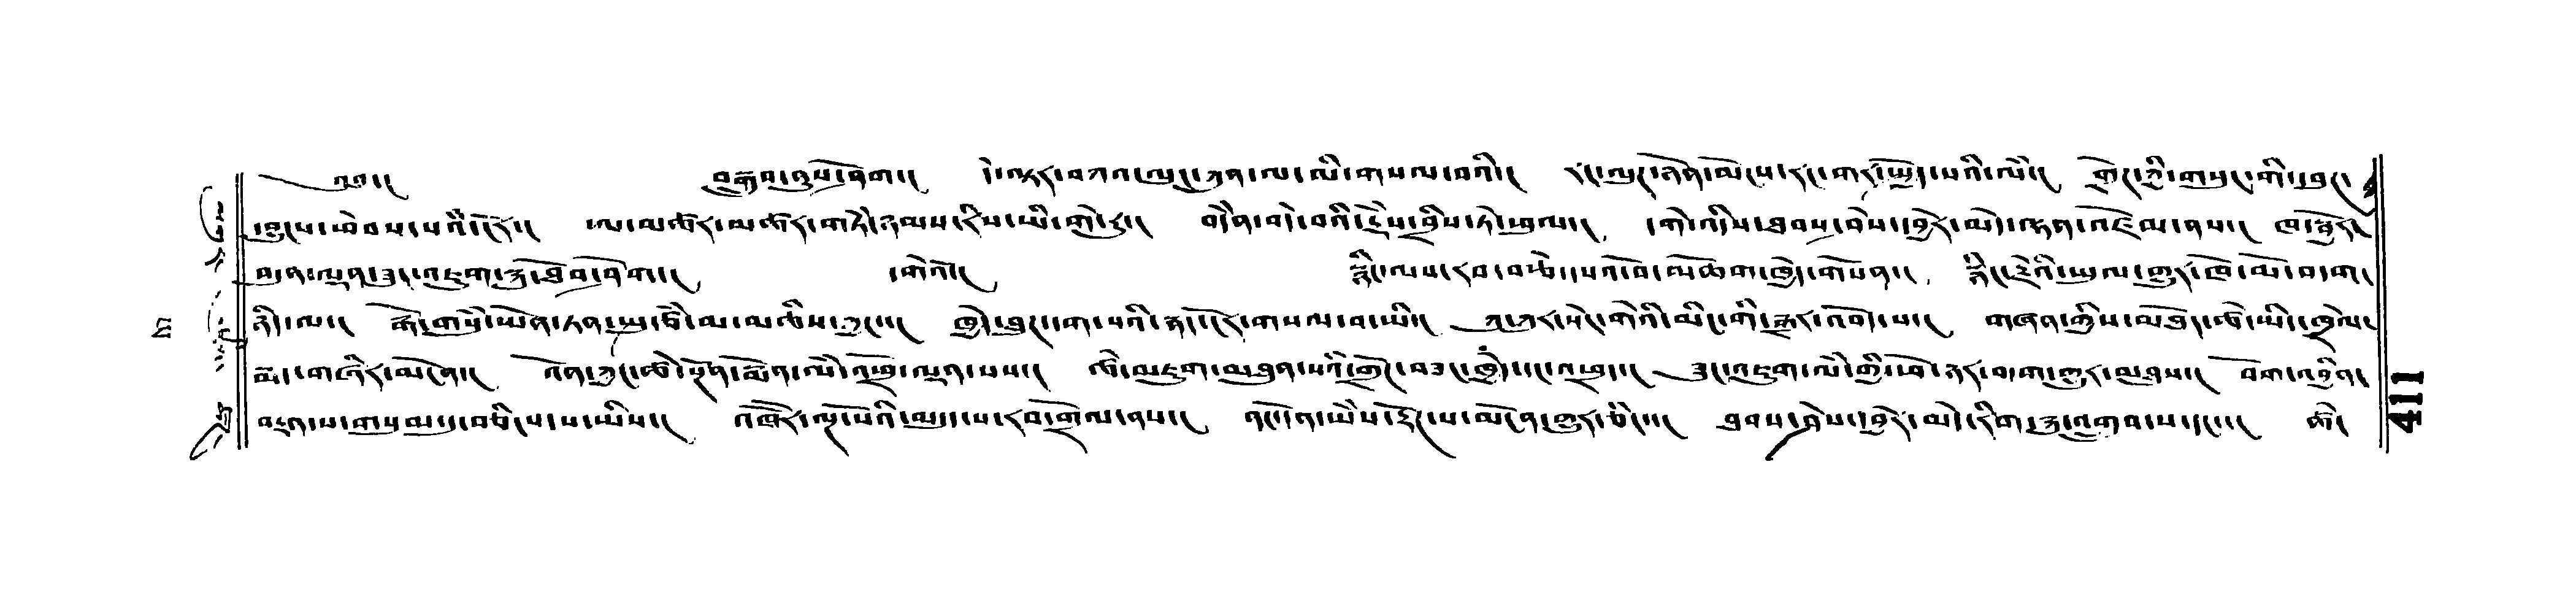བསྒྲུབ་ནུས་ཤོག །དེ་ལྟར་བཀའ་ལུང་ཀུན་ལ་མི་གསལ་བའི། །རང་ལུགས་ཉོན་མོངས་རང་གར་སྤྱོད་པའི་ལམ། །གྲོགས་ཀྱི་གསུང་གི་དབུགས་
དབྱུང་ཕེབས་པའི་ངོར། །ཨ་མཚར་མཚར་གཏམ་ཉམས་རིས་ཡི་གེ་རུ། །བདེ་ཆེན་བདེ་བའི་རྡོ་རྗེས་བྲིས་ཏེ་ཕུལ། དགེ་འདིས་ཐབས་ཤེས་དབྱེར་མེད་ལྷན་འཛོམ་ནས། ཁ་སྦྱོར་
བདུན་ལྡན་ཟུང་འཇུག་སྐུ་ཐོབ་ཤོག དགེའོ།། སྙིང་ལས་རབ་བརྩེ་དཔའ་བོ་མཆོག་ཁྱེད་གསོན། །སྙིང་རྗེའི་ཡུལ་གྱུར་ཁོ་མོ་བདག་
ཉིད་ལ། །སྒོ་གསུམ་ཡོན་ཏན་སྤུ་ཙམ་མ་མཆིས་ཀྱང་། ཁྱེད་ཐུགས་དག་པའི་སྣང་ངོར་གསལ་བ་ཡི། །ཀུ་ཀུར་སེང་གེའི་མིང་གི་སྒྲར་འབོད་པ། །གཞན་གྱིས་མཐོང་ཚེ་ཡིད་ཁྲེལ་
སྨད་གཞིར་མངོན། །འོན་ཀྱང་ཚེ་སྔོན་སྨོན་ལམ་འཕྲོ་ལྡན་པས། །ཚེ་མཇུག་མཐུན་པའི་གྲོགས་བཟང་ཁྱེད་དང་འཕྲད།།ཟུང་འཇུག་ལམ་གྱི་ཕོ་ཉར་བདག་གྱུར་མཐུས། །བོགས་འབྱིན་
བརྟན་པ་གསུམ་དུ་བཅིངས་པ་ཡིས། །འཁོར་ལོ་ལྔ་པོའི་མདུད་པ་རབ་གྲོལ་ནས། །ནང་དོན་ཡེ་ཤེས་རྟོགས་པ་མངོན་གྱུར་ཅིང་། །ཐབས་ཤེས་དབྱེར་མེད་རིག་སྐུ་འགྲུབ་པ་དང་། །ཚེ་